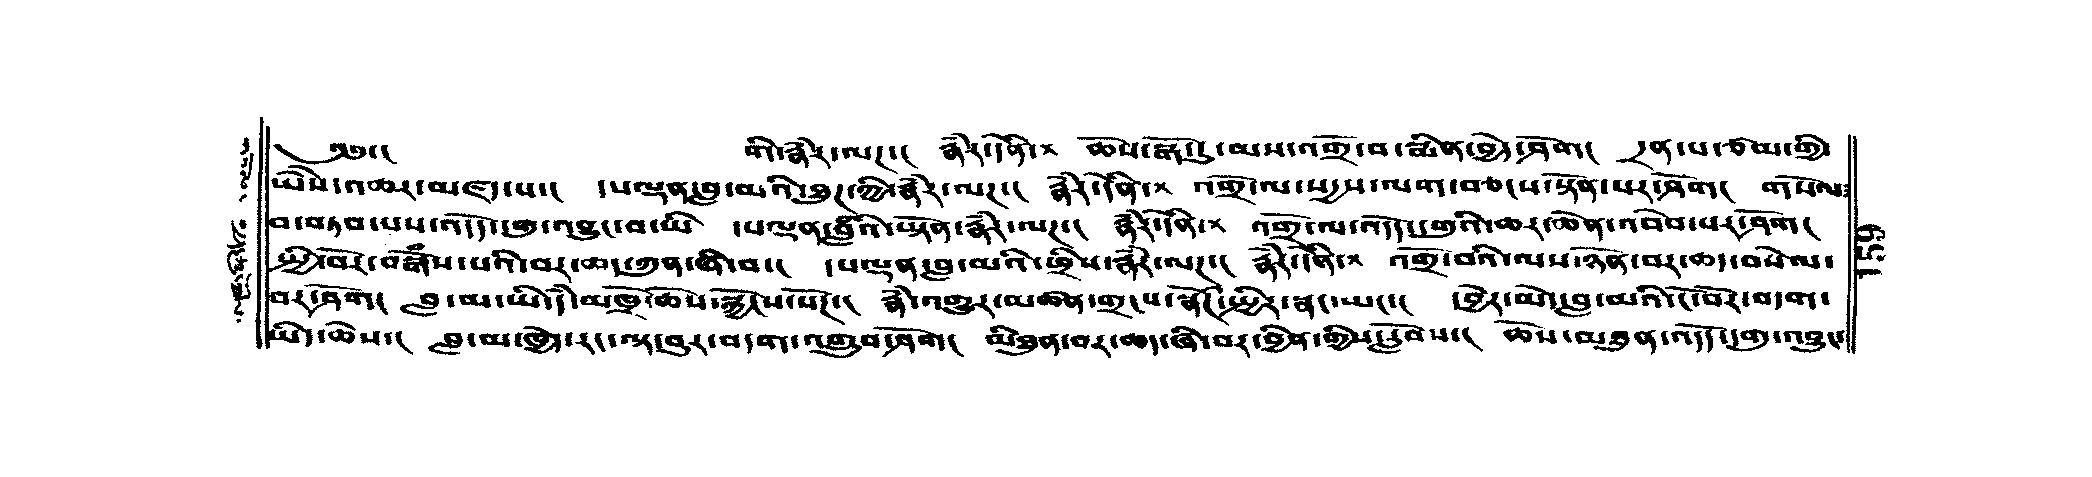གི་རྣམ་ཐར་ལགས། །རྣམ་ཐར་དེ་ནི༴ །ཆོས་སྒོ་དུ་མས་འགྲོ་བ་སྨིན་བྱེད་ཤོག །དྲན་པ་ཙམ་གྱི་
ཡེ་ཤེས་འཆར་མཛད་པ། །དཔལ་ལྡན་བླ་མའི་ཐུགས་ཀྱི་རྣམ་ཐར་ལགས། །རྣམ་ཐར་དེ་ནི༴ །འགྲོ་ལ་སངས་རྒྱས་ལག་བཅངས་སྟོན་པར་ཤོག །གསོལ་
བ་བཏབ་པས་འདོད་དགུ་འབྱུང་བ་ཡི། །དཔལ་ལྡན་བླ་མའི་ཡོན་ཏན་རྣམ་ཐར་ལགས། །རྣམ་ཐར་དེ་ནི༴ །འགྲོ་ལ་འདོད་དགུའི་ཆར་ཆེན་འབེབས་པར་ཤོག །
སྤྱི་བོར་བསྒོམས་པས་བར་ཆད་ཀུན་ཞི་བ། །དཔལ་ལྡན་བླ་མའི་ཕྲིན་ལས་རྣམ་ཐར་ལགས། །རྣམ་ཐར་དེ་ནི༴ །འགྲོ་བའི་ལས་ཉོན་བར་ཆད་སེལ་
བར་ཤོག །བླ་མ་ཡི་དམ་མཁའ་འགྲོ་ཆོས་སྐྱོང་སོགས། །རྣམ་འགྱུར་མཚན་གྲངས་སྣ་ཚོགས་ཅིར་སྣང་ཡང་། །དབྱེར་མེད་བླ་མའི་ངོ་བོར་བདག་
ཡིད་ཆེས། །བླ་མ་ཁྱེད་རང་ལྟ་བུར་བདག་འགྲུབ་ཤོག །མི་མཐུན་བར་ཆད་ཞི་བར་བྱིན་གྱིས་རློབས། །ཆོས་མཐུན་འདོད་དགུ་འབྱུང་